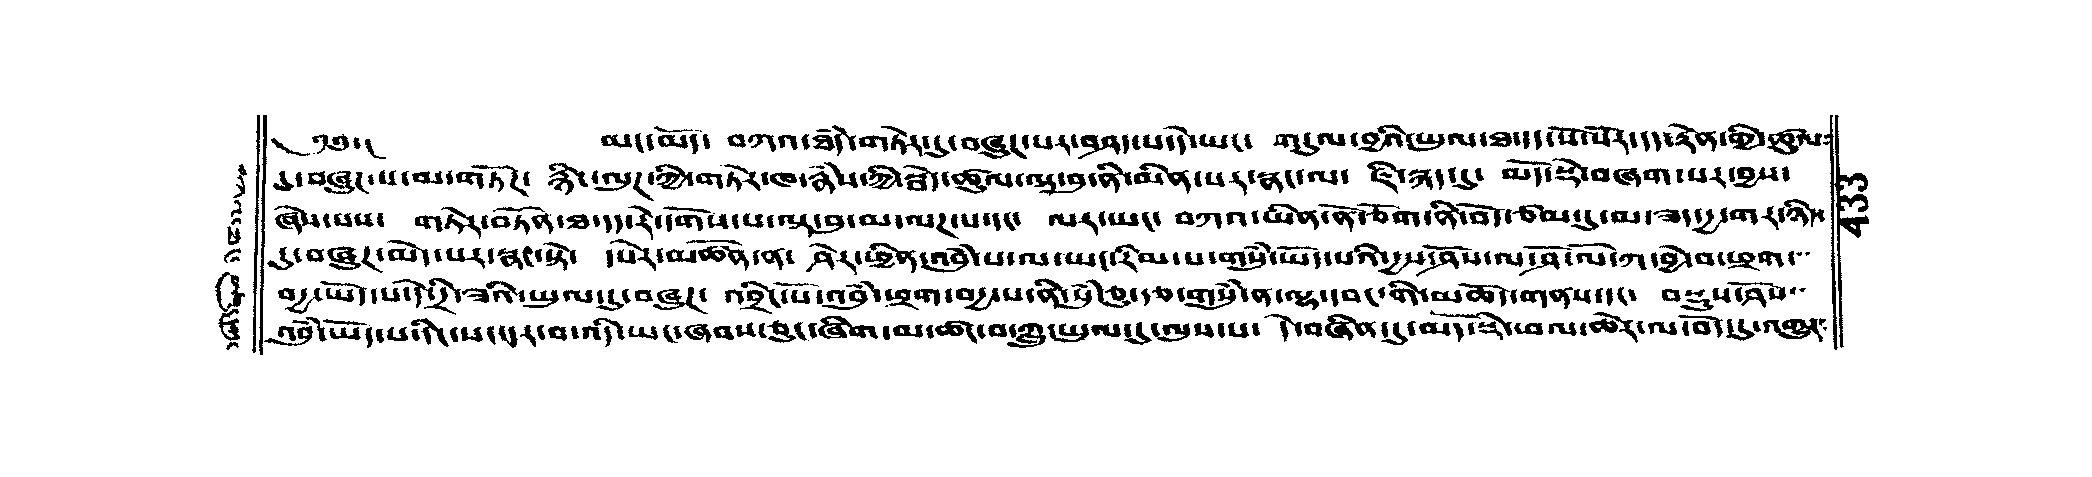མང་མོད། བཀའ་ཐམས་ཅད་གཏེར་དུ་བཞུགས་པར་བཤད་པ་དེ་ཡང་། གདུལ་བྱའི་ཡུལ་ཐ་དད་སོ་སོར་དད་རྟེན་གྱི་ཚུལ་
དུ་བཞུགས་པ་མ་གཏོགས། རྙིང་ལུགས་ཀྱི་གཏེར་ཁ་རྣམས་ཀྱི་སྦེད་ཚུལ་ལྟ་བུ་ནི་མིན་པར་སྣང་ལ། ཇི་སྐད་དུ། མདོ་སྡེ་བཞག་པར་བྱས་
ཞེས་པས། གཏེར་གཏོན་ཐ་དད་རེ་དགོས་པ་ལྟ་བུ་མ་ལགས་པ་དང་། ལར་ཡང་། བཀའ་ཡིན་ནོ་ཅོག་ནི་བོད་ཙམ་དུ་མ་ཟད་རྒྱ་གར་ཉིད་
དུ་བཞུགས་མེད་པར་སྣང་སྟེ། དཔེར་མཚོན་ན། ཤེར་ཕྱིན་འབུམ་པ་ལ་ཡང་རིམ་པ་གསུམ་ཡོད་པའི་རྒྱས་ཤོས་ལ་ཤྭོ་ལོ་ཀ་བྱེ་བ་ཕྲག་
བརྒྱ་ཡོད་པ་དེ་དྲི་ཟའི་ཡུལ་དུ་བཞུགས། འབྲིང་པོ་འབུམ་ཕྲག་བརྒྱ་པ་ནི་སུམ་ཅུ་རྩ་གསུམ་ན་ལྷ་དབང་གི་མཆོད་གནས་དང་། བསྡུས་ཤོས་
འབུམ་ཡོད་པ་དིང་སང་དར་བ་འདི་ཡང་ཞབས་ཅུང་ཞིག་མ་ཚང་བ་ཀླུ་ཡུལ་དུ་ལུས་པ། དེ་བཞིན་དུ་མདོ་སྡེ་ཕལ་ཆེར་ལ་བོད་དུ་འགྱུར་